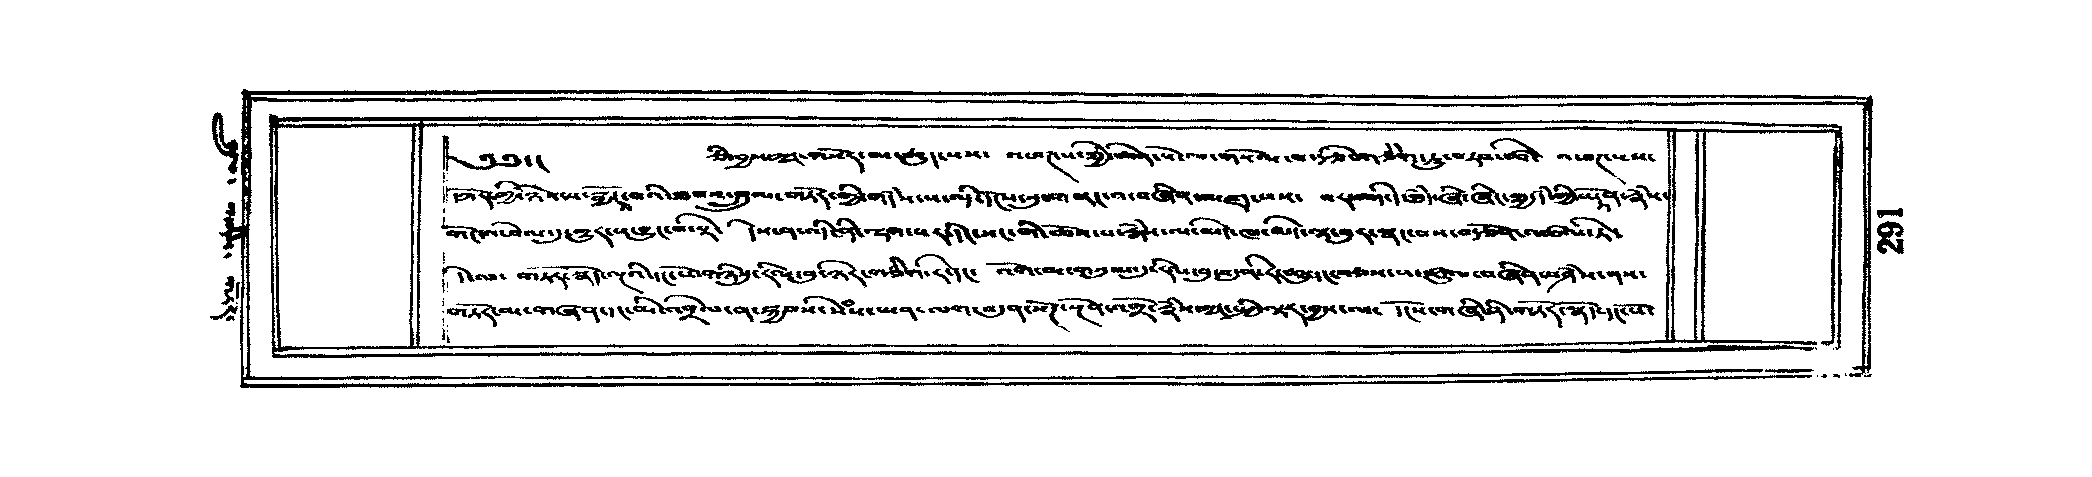ཅི་བྱས་ཀྱང་གསོར་མ་ཆུད་པས། འཕགས་པ་ཐུགས་རྗེ་ཆེན་པོ་ལ་གསོལ་བ་རྩེ་གཅིག་ཏུ་བཏབ་ཚེ། འཕགས་པས་
དཀོར་གྱི་ཉེས་པ་སྦྱོངས་བའི་ཐབས་སྦྲུལ་གཏོར་གྱི་གདམས་པ་འདི་དངོས་སུ་གནང་བ་བཞིན་མཛད་པས། བར་ཆད་དེ་ཐམས་ཅད་ཞི་ཞིང་ཐུགས་དམ་གྱི་ཡོན་ཏན་རྣམས་
གོང་འཕེལ་དུ་གྱུར་པ་བྱུང་སྟེ། དེས་ན་འདི་ནི་ལྷག་པར་དིང་སང་གི་ཆོས་པ་རྣམས་ལ་མེད་ཁ་མེད་ལྟ་བུར་སྣང་བས་བརྩོན་འཚལ་ཏེ། 
དེ་ལ་གཏོར་སྣོད་ལྔའི་དང་པོ་གཉིས་སུ་རིལ་བུ་ཉེར་གཅིག་རེ་དང་། འོག་མ་གསུམ་དུ་རིལ་བུ་བདུན་རེ་ཆུ་དང་བཅས་པ་ཚུལ་བཞིན་བཤམས་ནས་
གཏོར་མ་གཞན་དང་མི་འབྲེལ་ན་སྐྱབས་སེམས་ཡན་ལག་བདུན་སོགས་སྔོན་འགྲོ་རྣམས་ཀྱང་སྤྱི་ལྟར་བྱས་ལ། དངོསགཞི་ནི་གཏོར་སྣོད་དང་པོ་